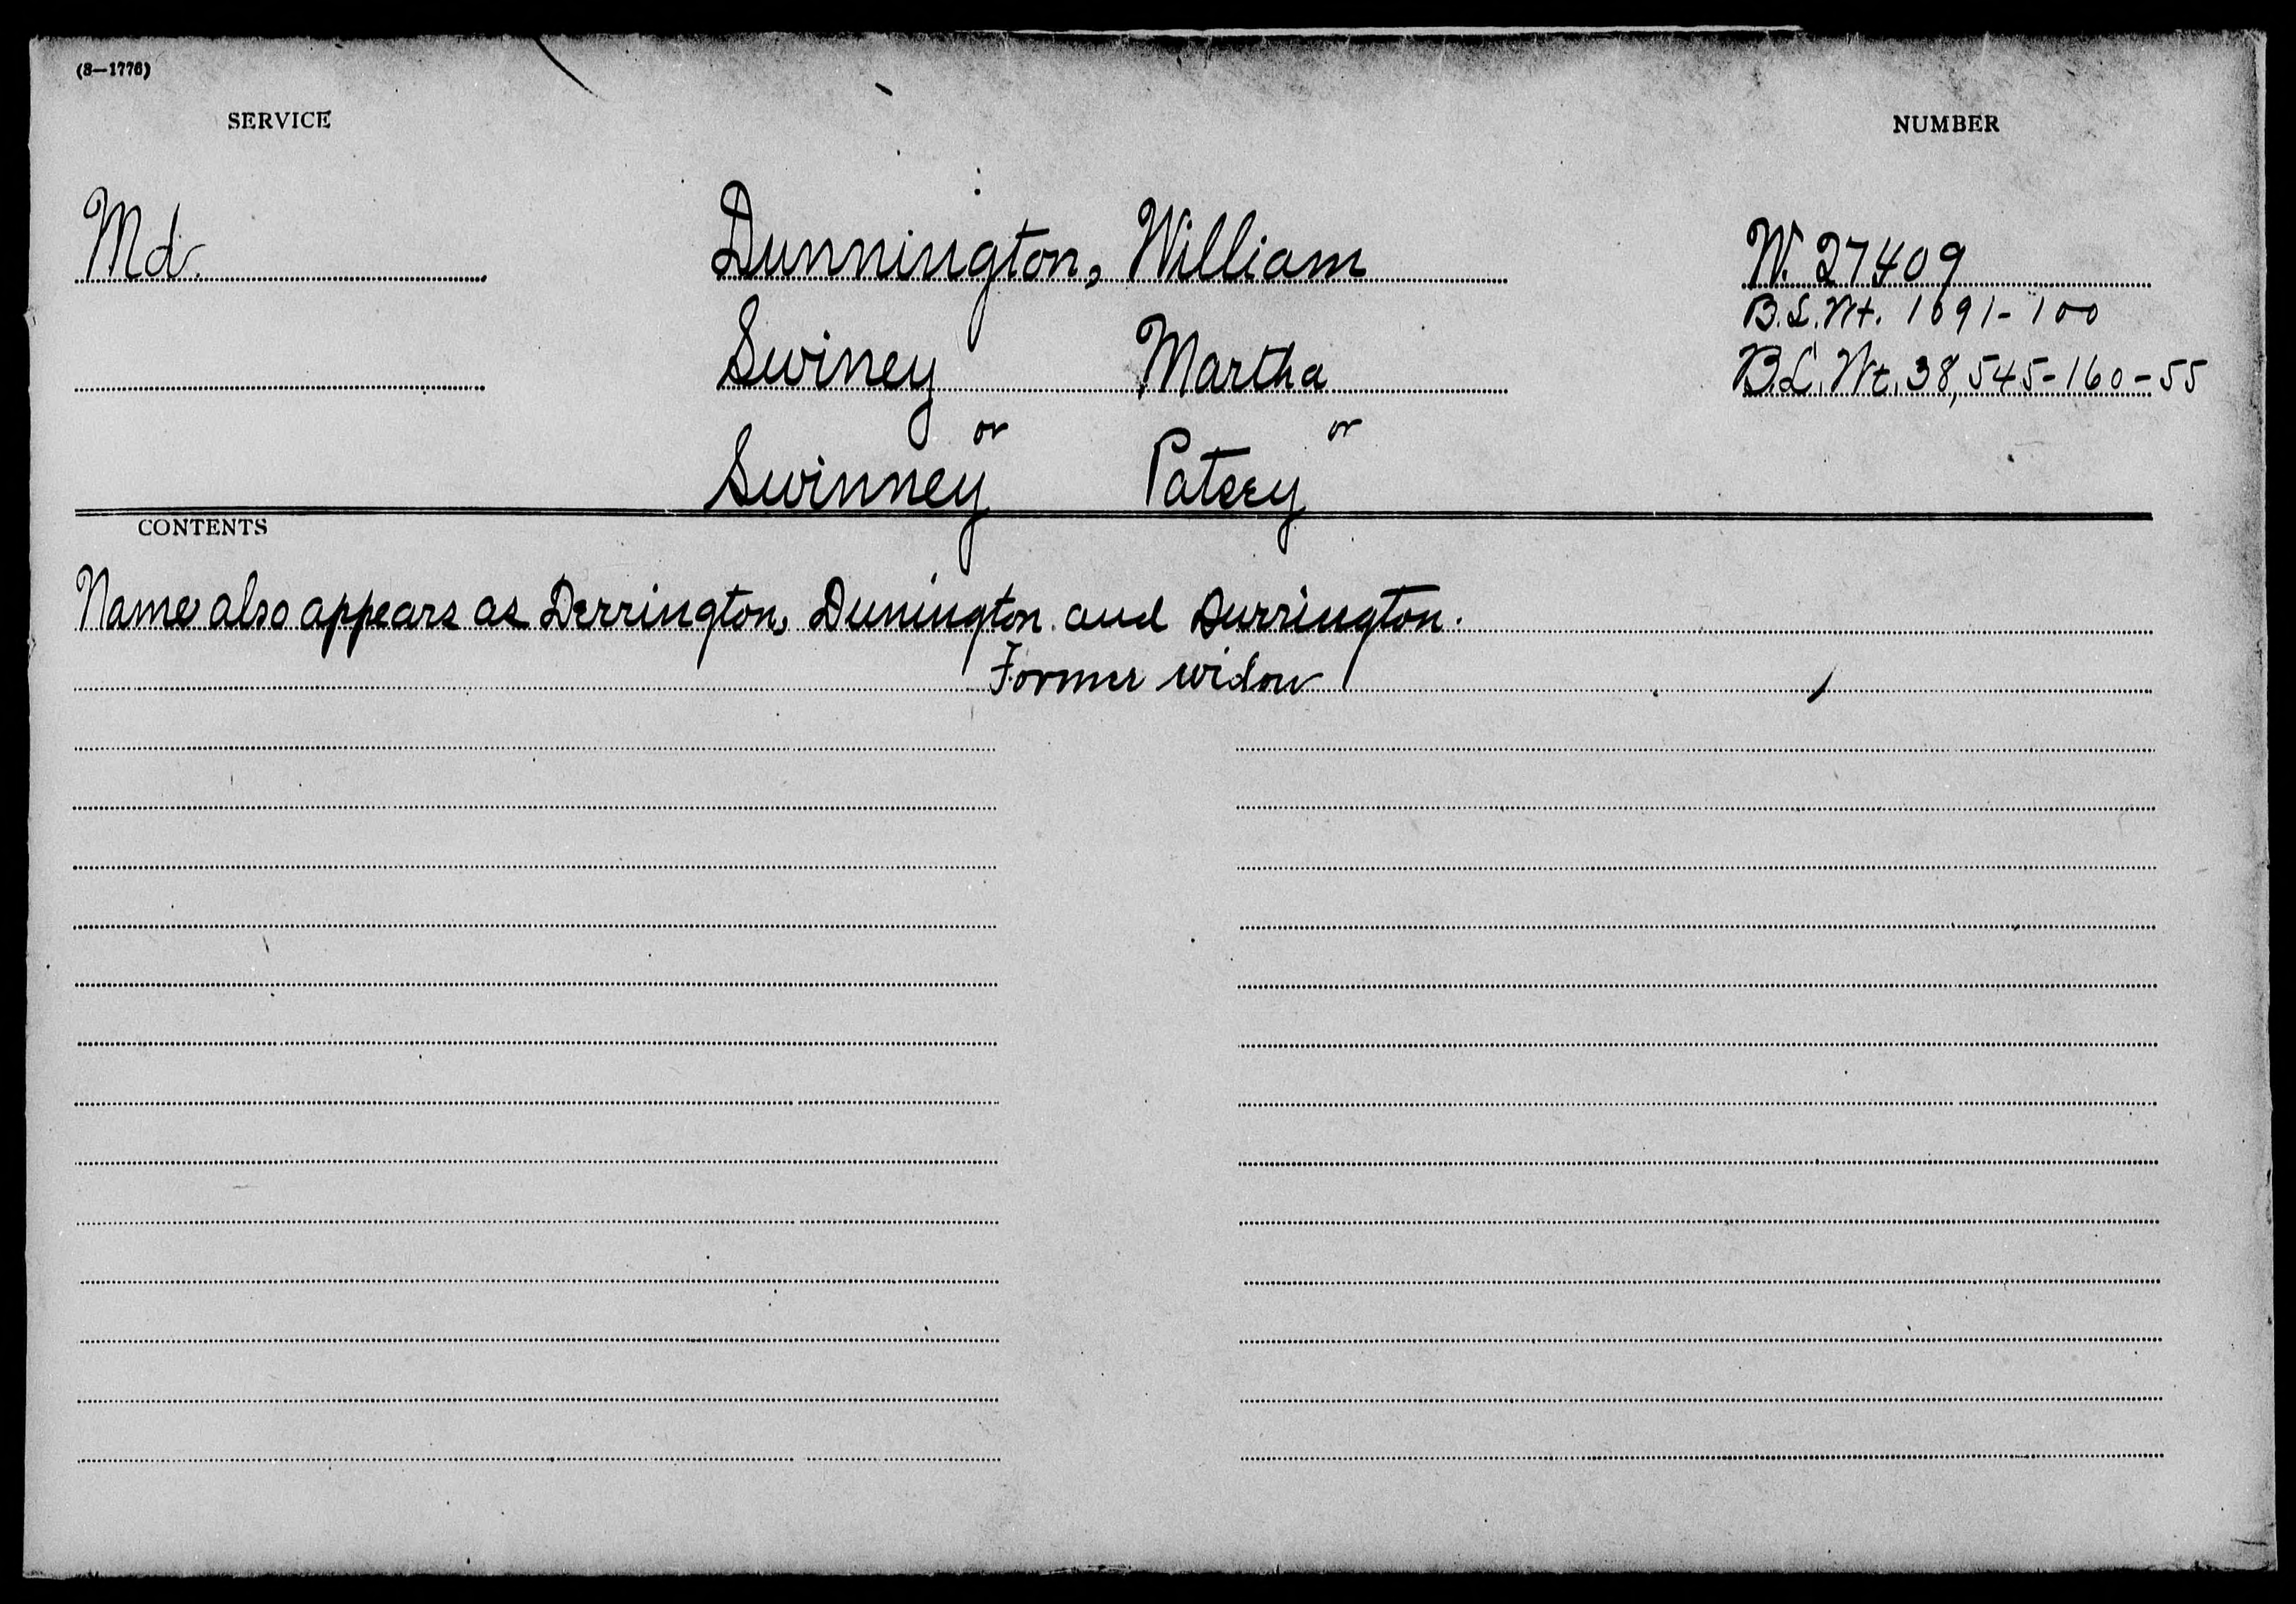(8-1776)
SERVICE
Md. 
Dunnington, William.          
NUMBER
W27409
B.L.Wt. 1091-100
B.L.Wt. 38,545-160-55
Swiney or Swinney
Martha or Patsey  
CONTENTS
Name also appears as Derrington, Dunington, and Durrington.
Former widow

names: Patsey Swinney, Dunington, Durrington, Derrington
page: 1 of 51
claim: widow's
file: W. 27,409, William Dunnington, Md.